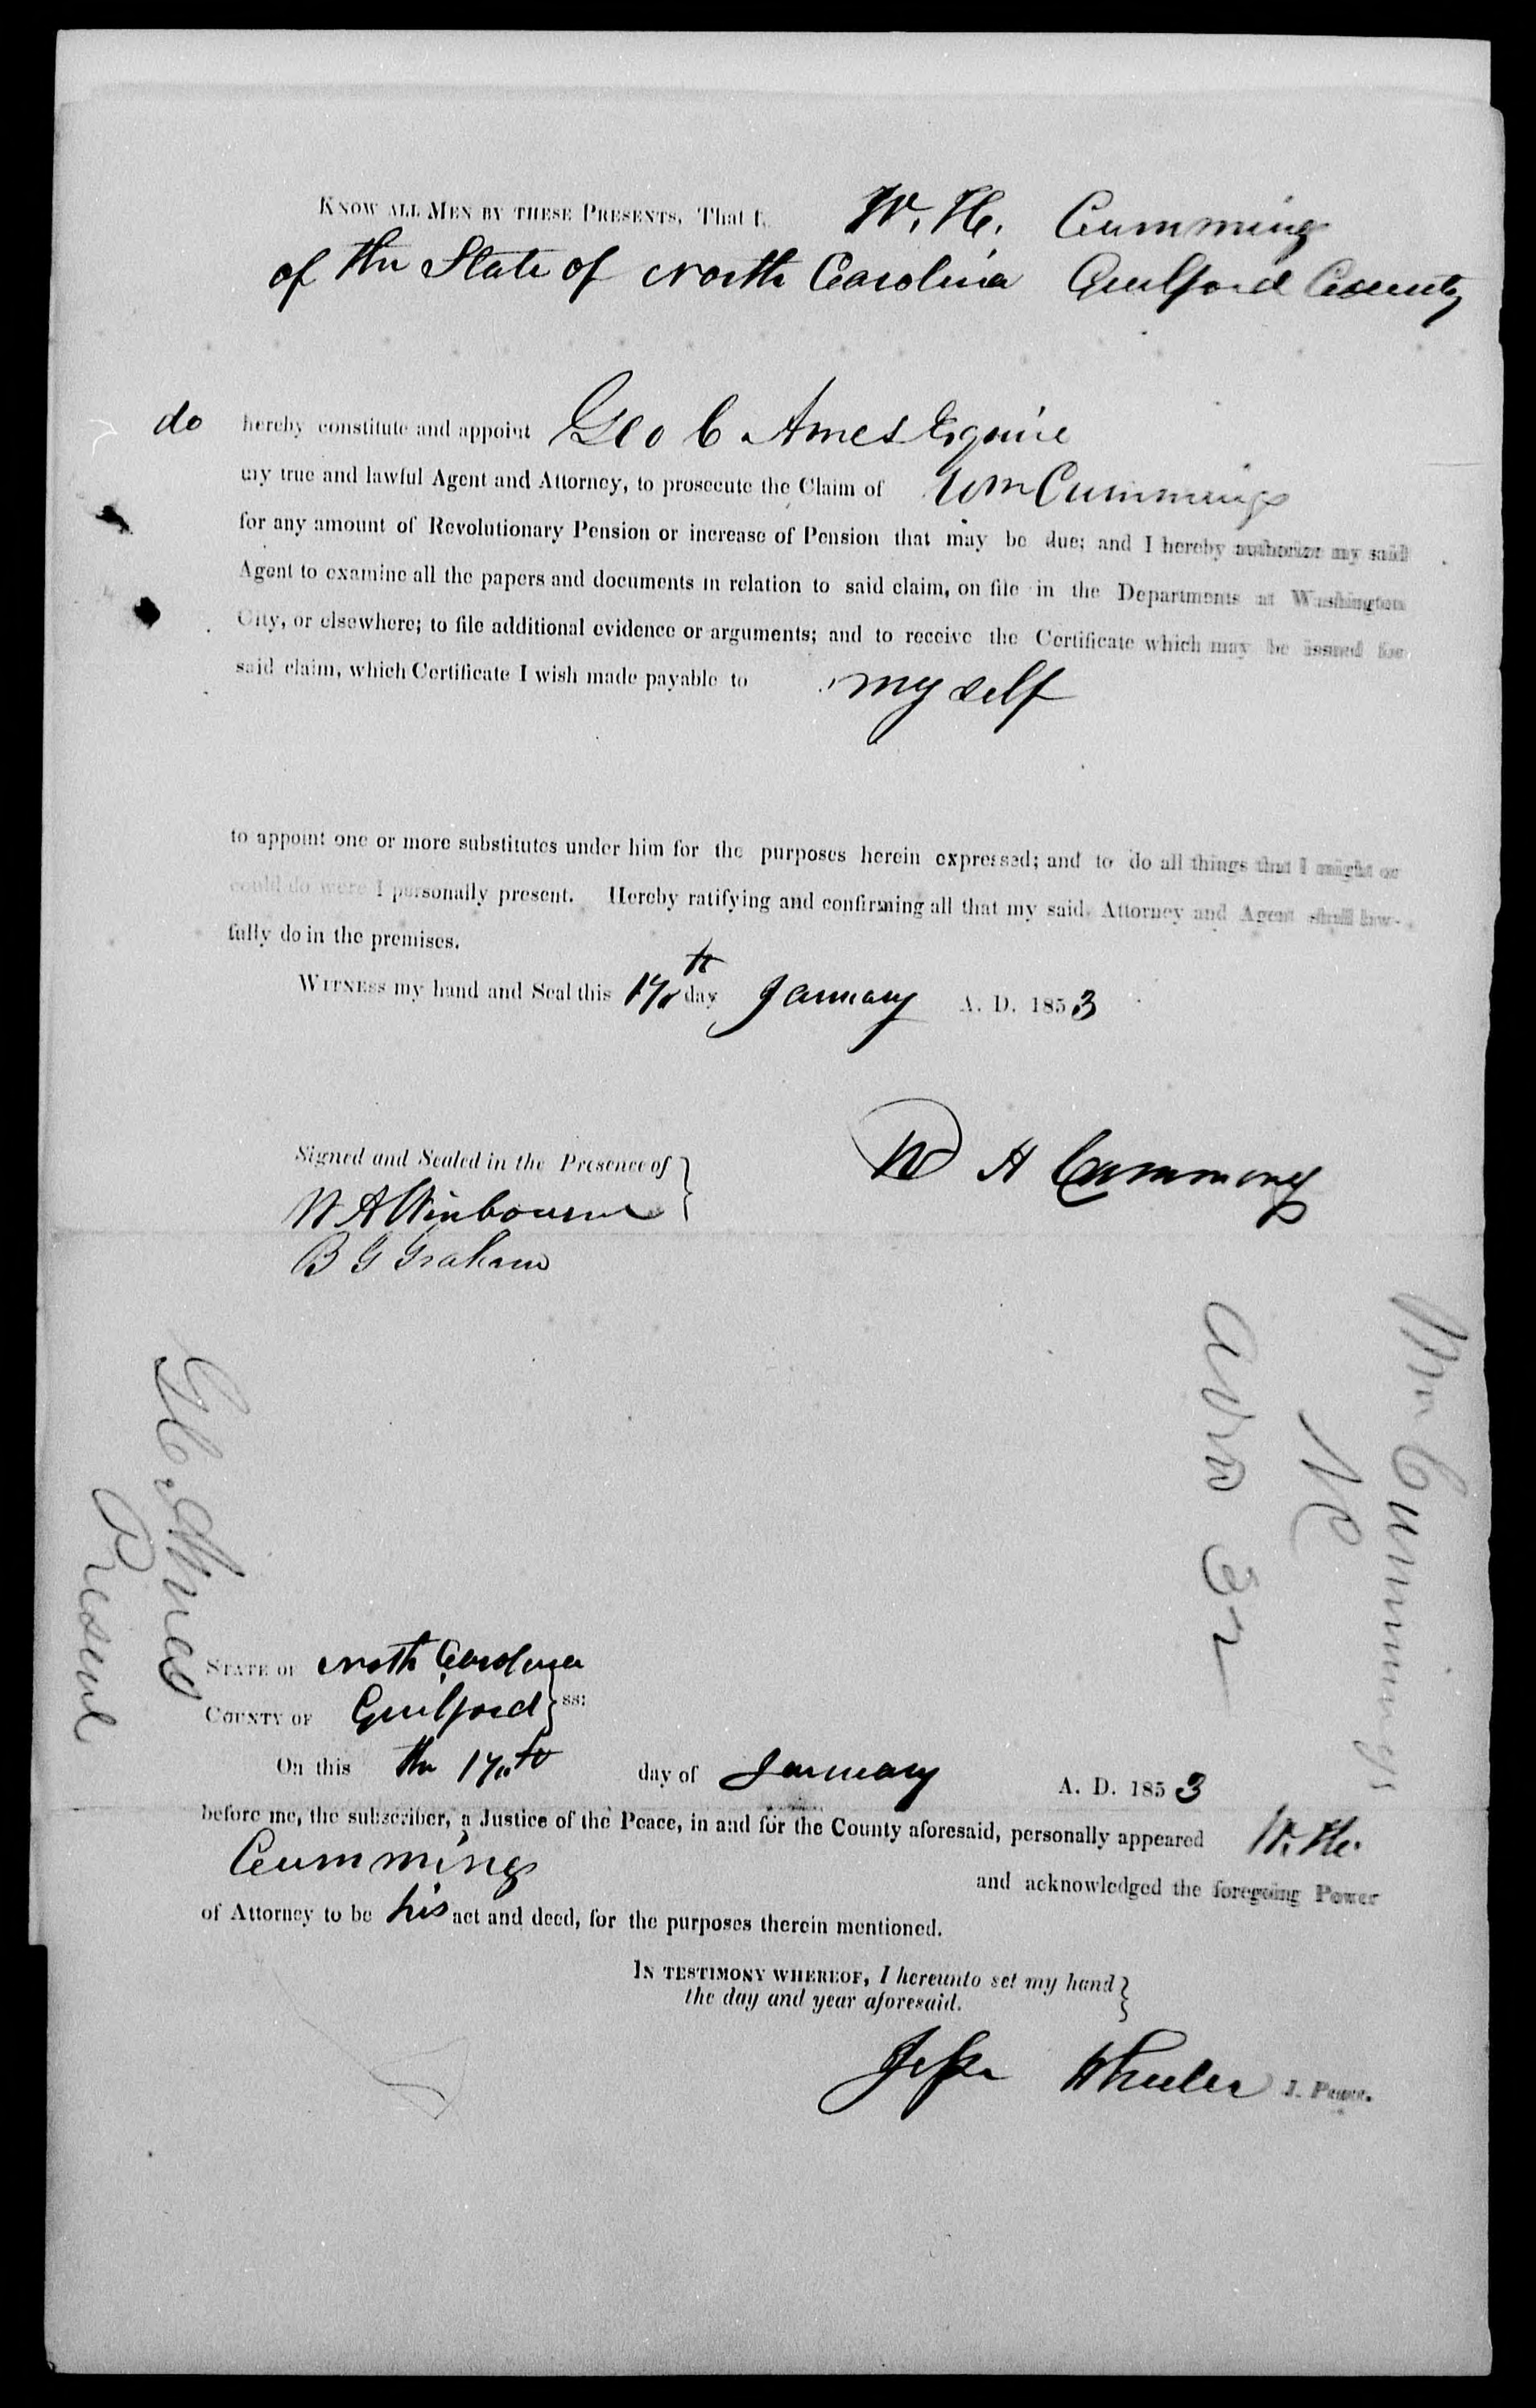[Second and final page of printed form with handwritten answers.  This page includes appointment of power of attorney for pension claim assistance.]

KNOW ALL MEN BY THESE PRESENTS, That I, W. H. Cummings [or Cumming] of the State of North Carolina Guilford County do hereby constitute and appoint Geo C Ames Esquire my true and lawful Agent and Attorney, to prosecute the Claim of Wm Cummings for any amount of Revolutionary Pension or increase of Pension that may be due; and I hereby authorize my said Agent to examine all the papers and documents in relation to said claim, on file in the Departments at Washington City, or elsewhere; to file additional evidence or arguments; and to receive the Certificate which may be issued for said claim, which Certificate I wish made payable to myself

to appoint one or more substitutes under him for the purposes herein expressed; and to do all things that I might or could do were I personally present.  Hereby ratifying and confirming all that my said Attorney and Agent shall lawfully do in the premises.

WITNESS my hand and Seal this 17th [or 19th] day January A.D. 1853

[Signature] W H [or W A] Cumming

Signed and Sealed in the Presence of)
W A Winbourne
B G Graham

[Near the lower left side margin of the page, there is written, apparently in pencil:]
G C Ames
Present

[About opposite that, and near the lower right hand margin of the page, there is written, apparently in pencil:]
Wm Cummings
NC 
[illegible] 32 

STATE OF North Carolina)
COUNTY OF Guilford,) SS:
On this the 17th [or 19th] day of January A.D. 1853 before me, the subscriber, a Justice of the Peace, in and for the County aforesaid, personally appeared W. H. Cummings and acknowledged the foregoing Power of Attorney to be his act and deed, for the purposes therein mentioned.

IN TESTIMONY WHEREOF, I hereunto set my hand)
the day and year aforesaid.)

[Signature] Jesse Wheeler J. Peace [Justice of the Peace]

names: W H Cumming, Wm Cummings, Jesse Wheeler, W A Winbourne, B G Graham, Geo C Ames, W H Cummings, Cummings, W H Cummings, G C Ames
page: 108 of 145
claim: survivor's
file: S. 8265, William Cumming, N.C.